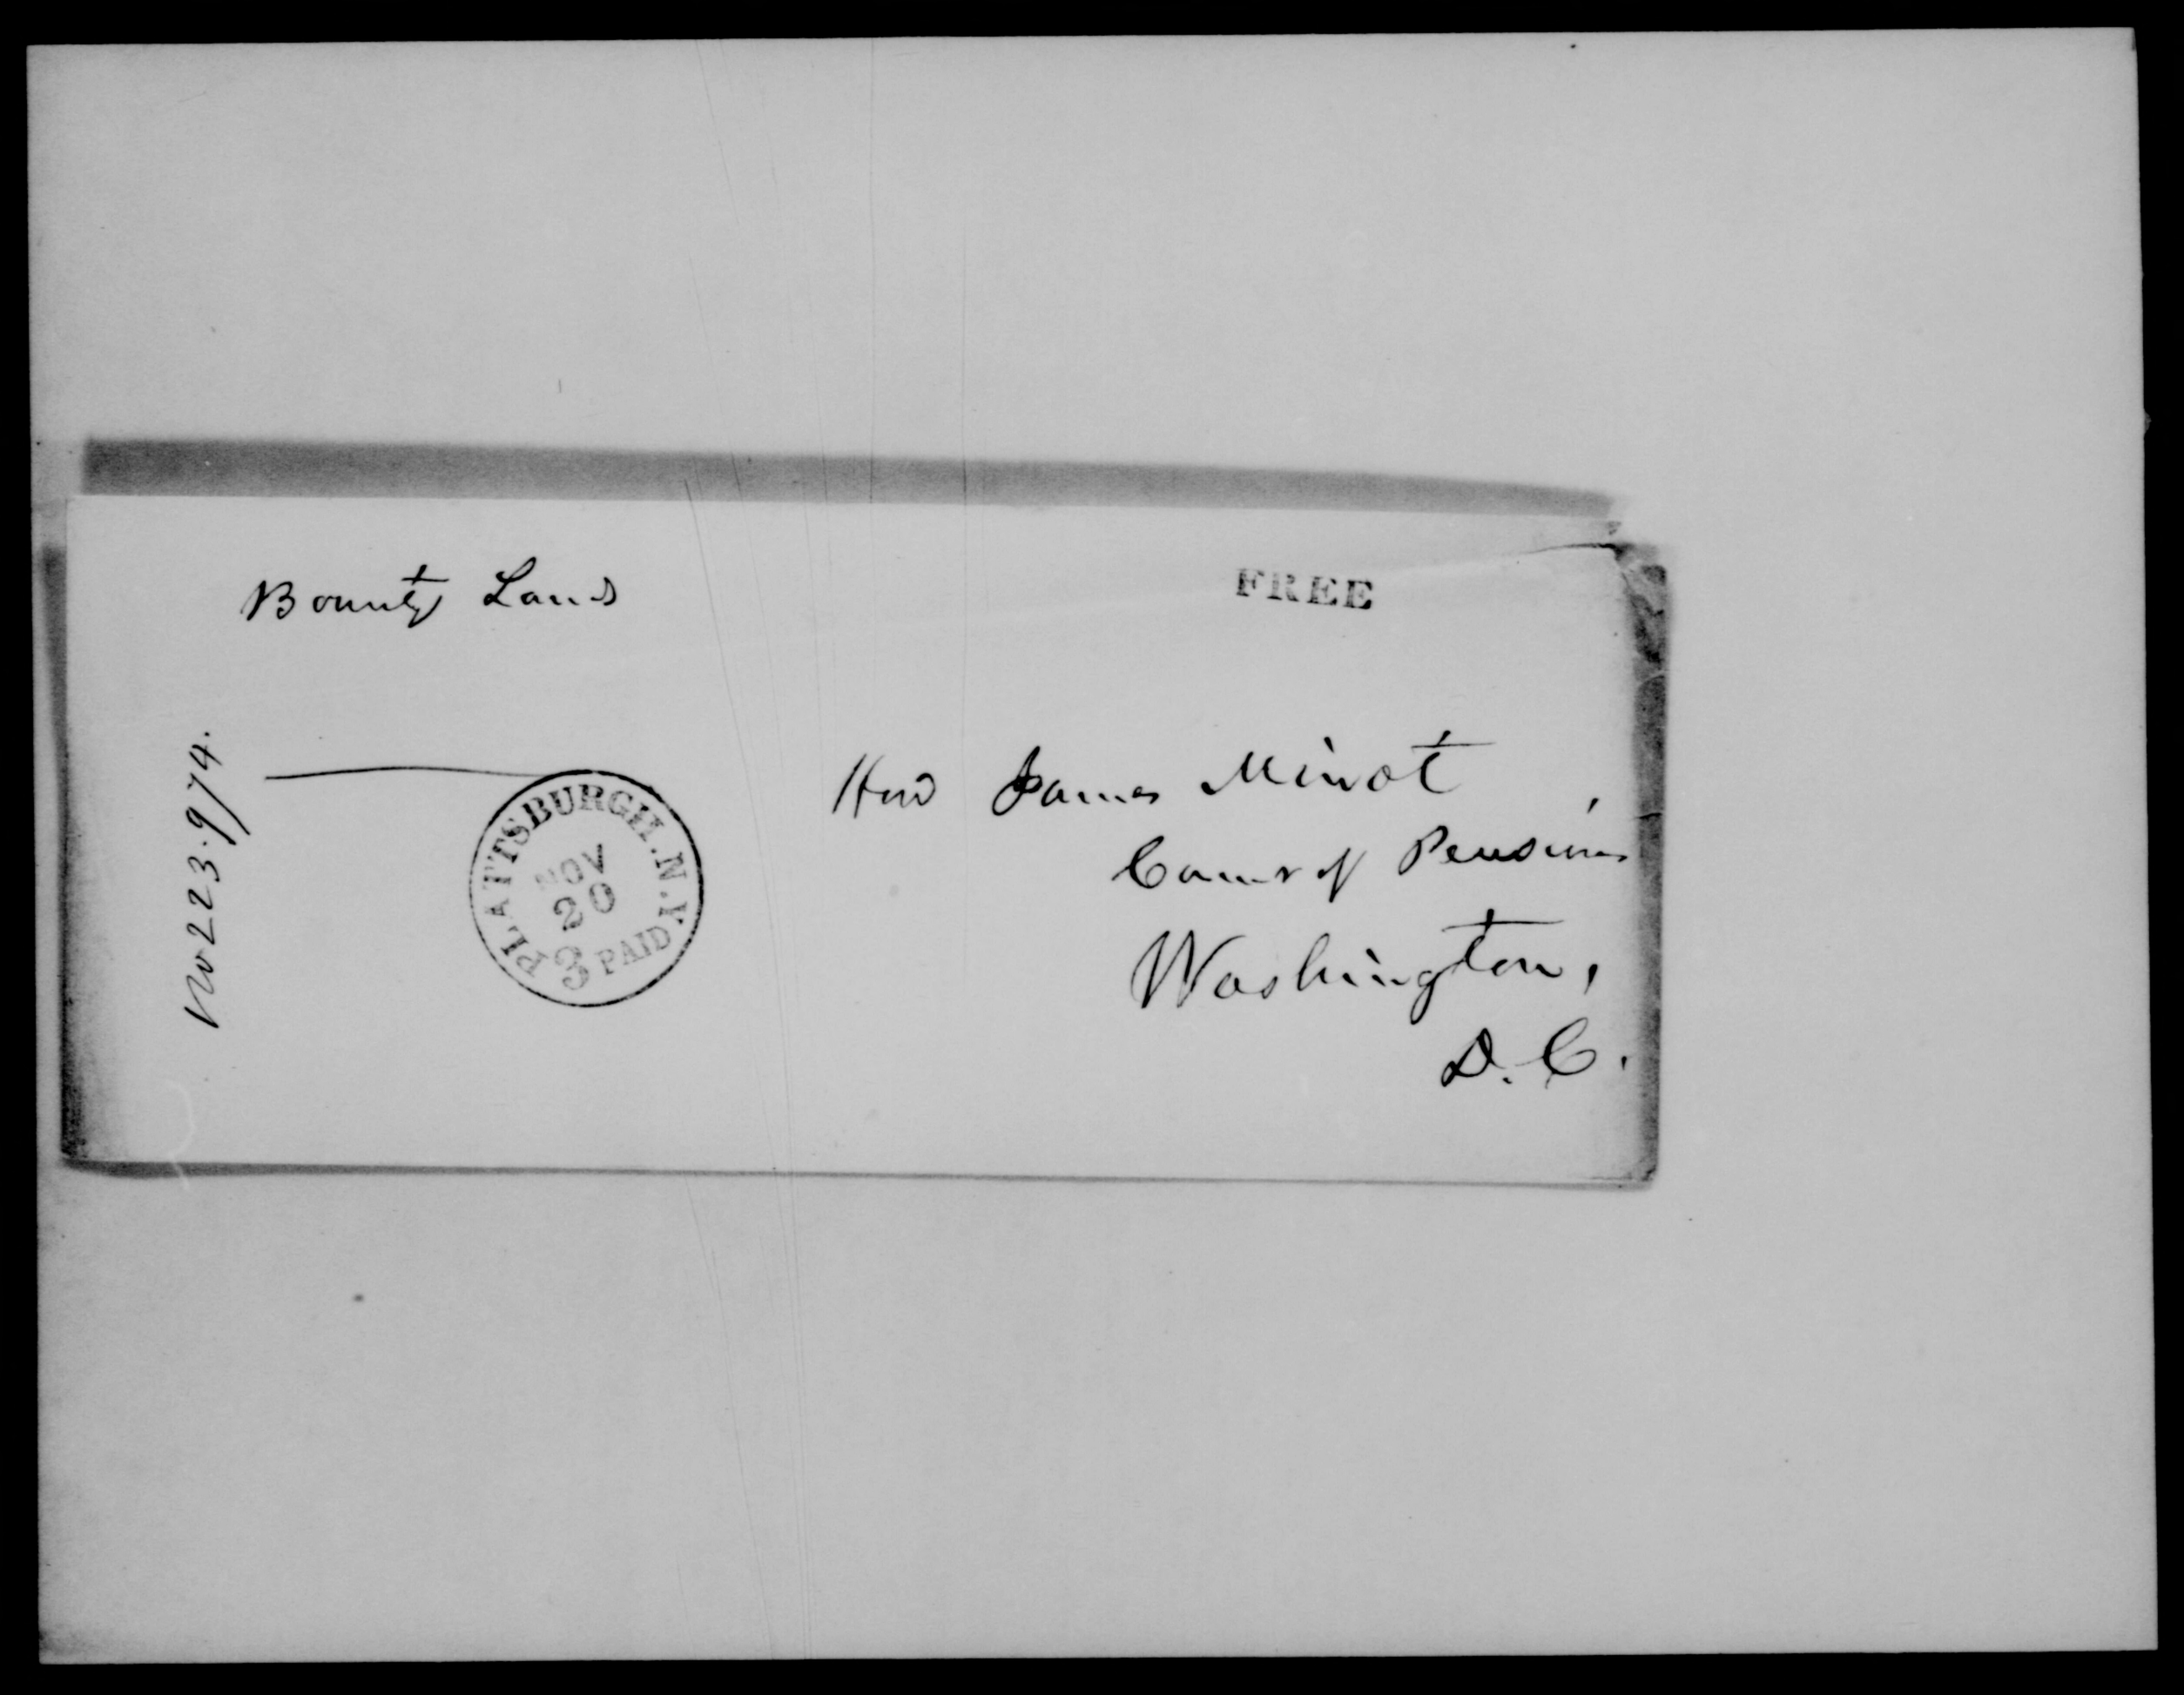Bounty Land    FREE

Hon. James Minot
Commr. of Pensions
Washington, D. C. 

No. 223.794

Stamped-Plattsburgh, N. Y. 3 Paid, Nov. 20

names: James Minot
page: 25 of 64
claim: widow's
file: W. 5831, Edmund Town, Mass.